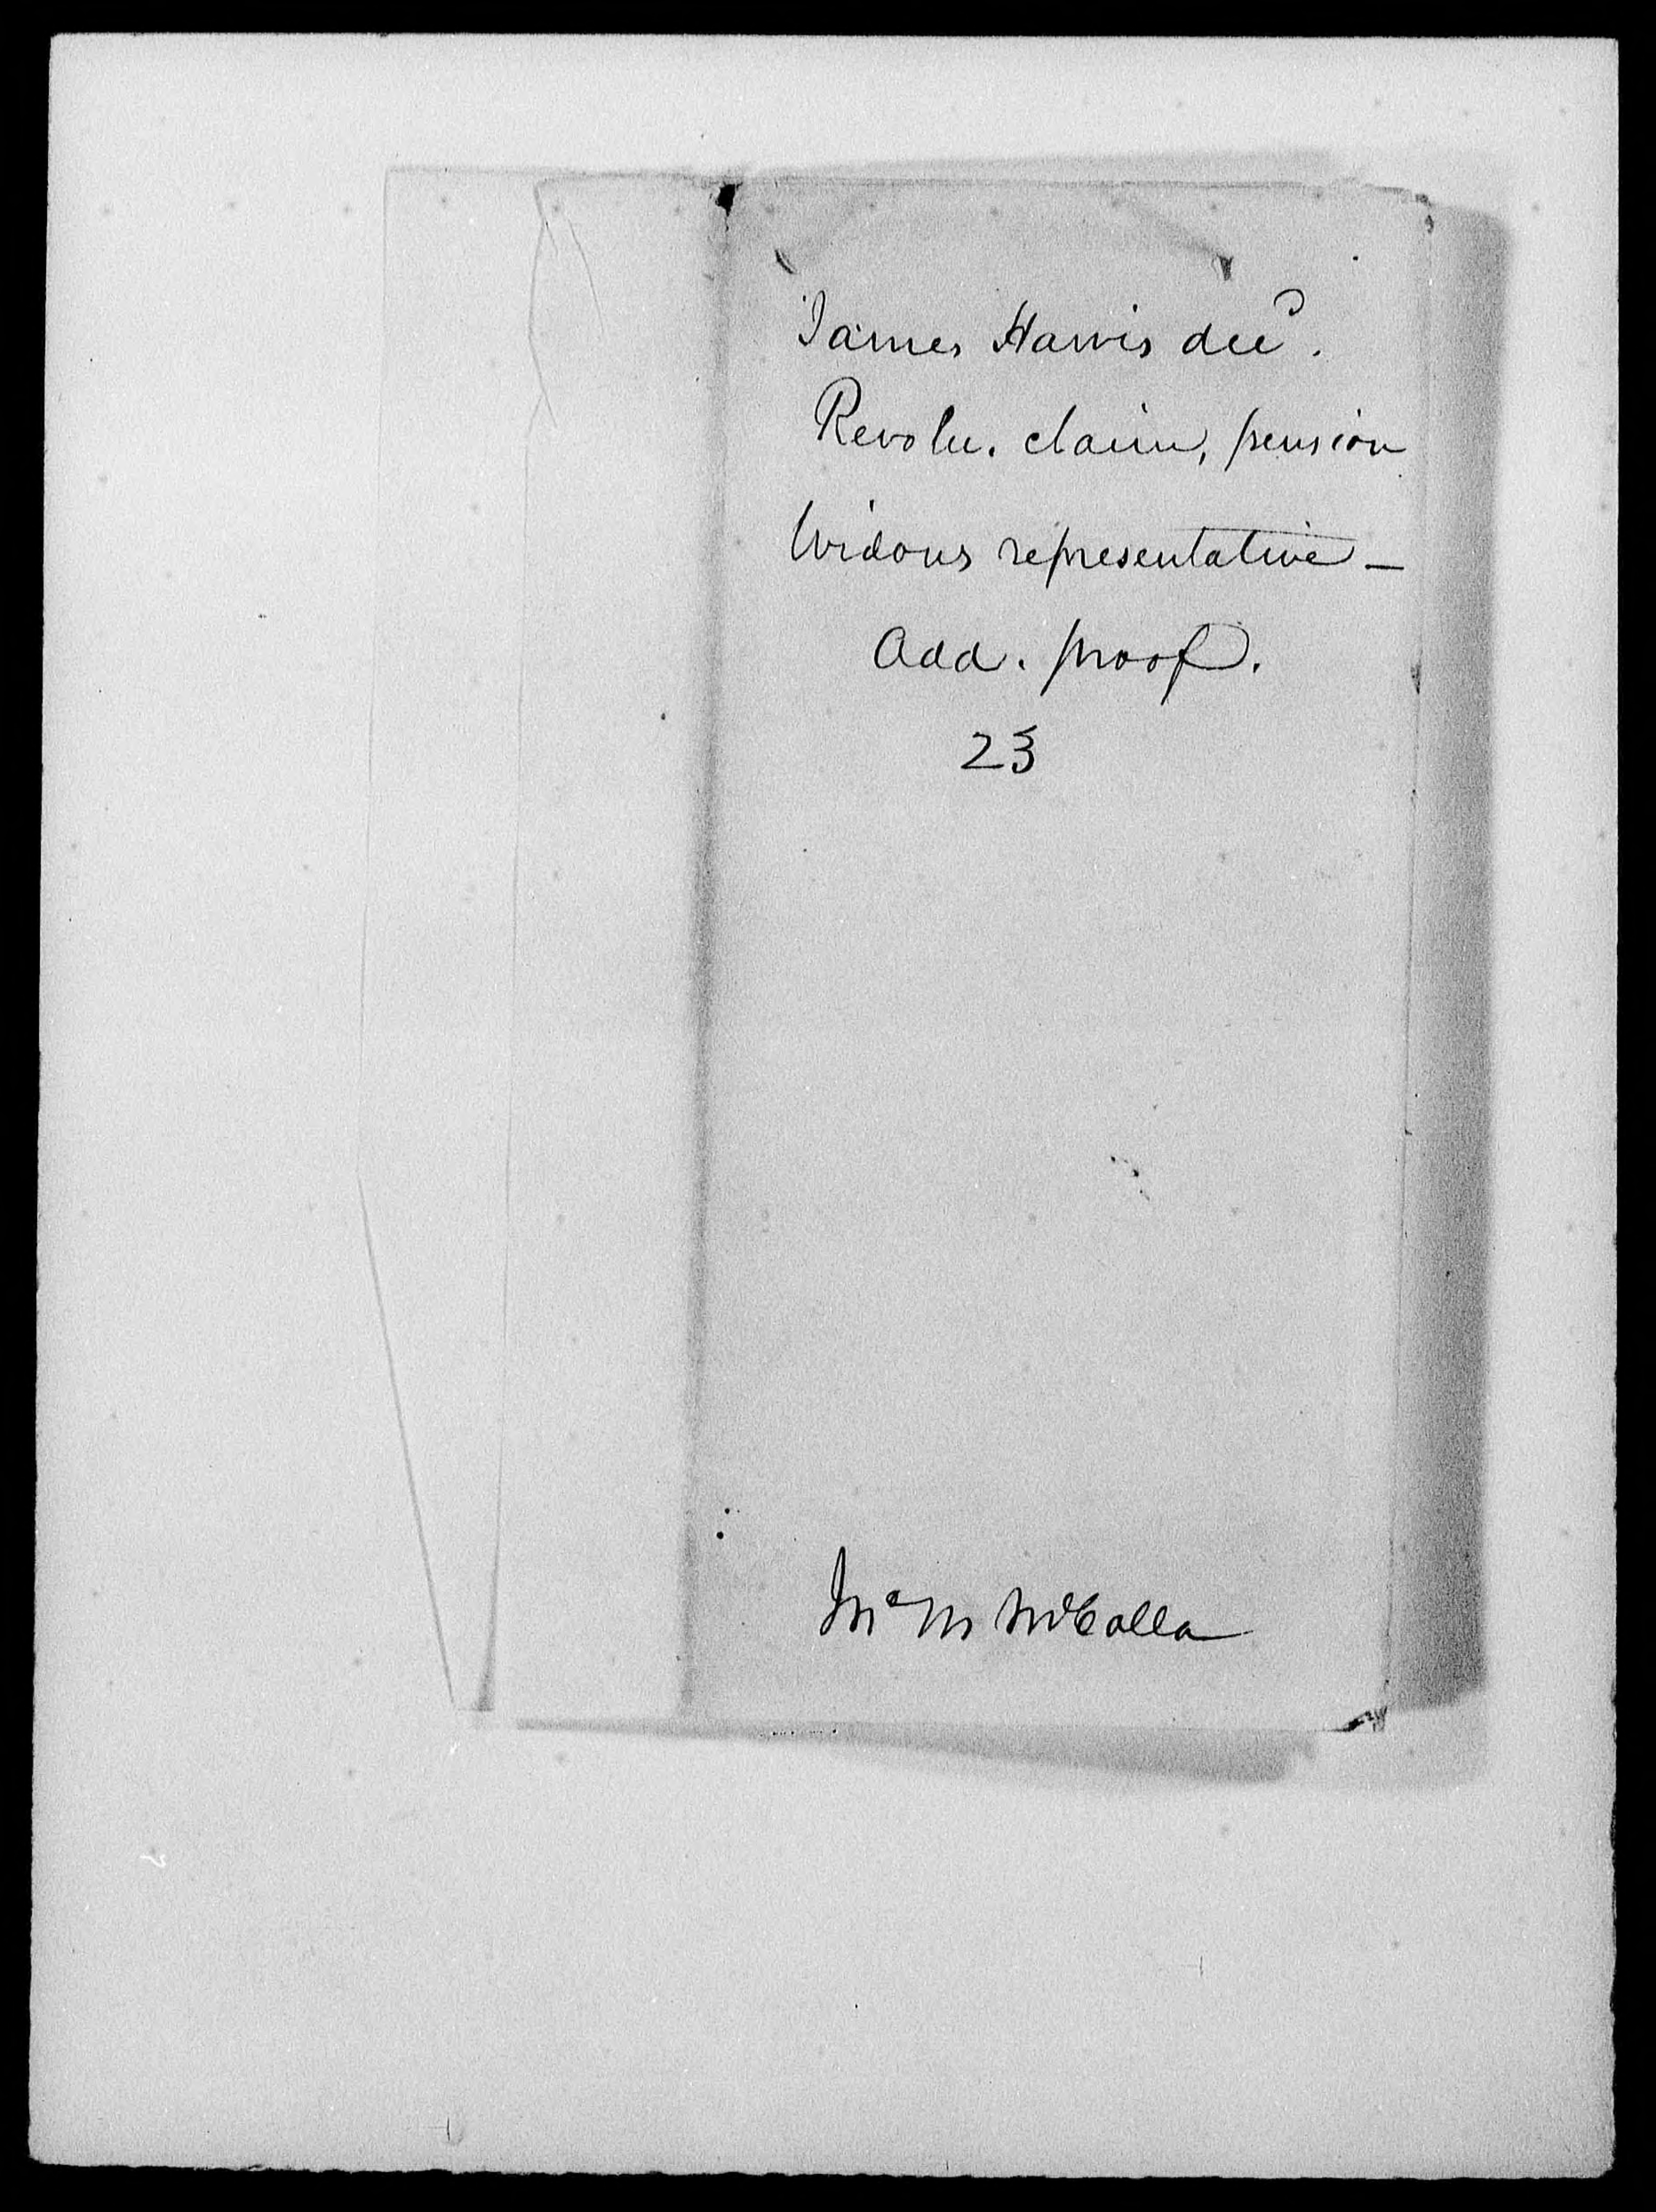James Harris dec
Revolu. claim, pension
Widows representative
Add. proof
23




Jn M McCalla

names: James Harris, Jno M Mc Calla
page: 132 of 160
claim: rejected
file: R. 4666, James Harris, Va.